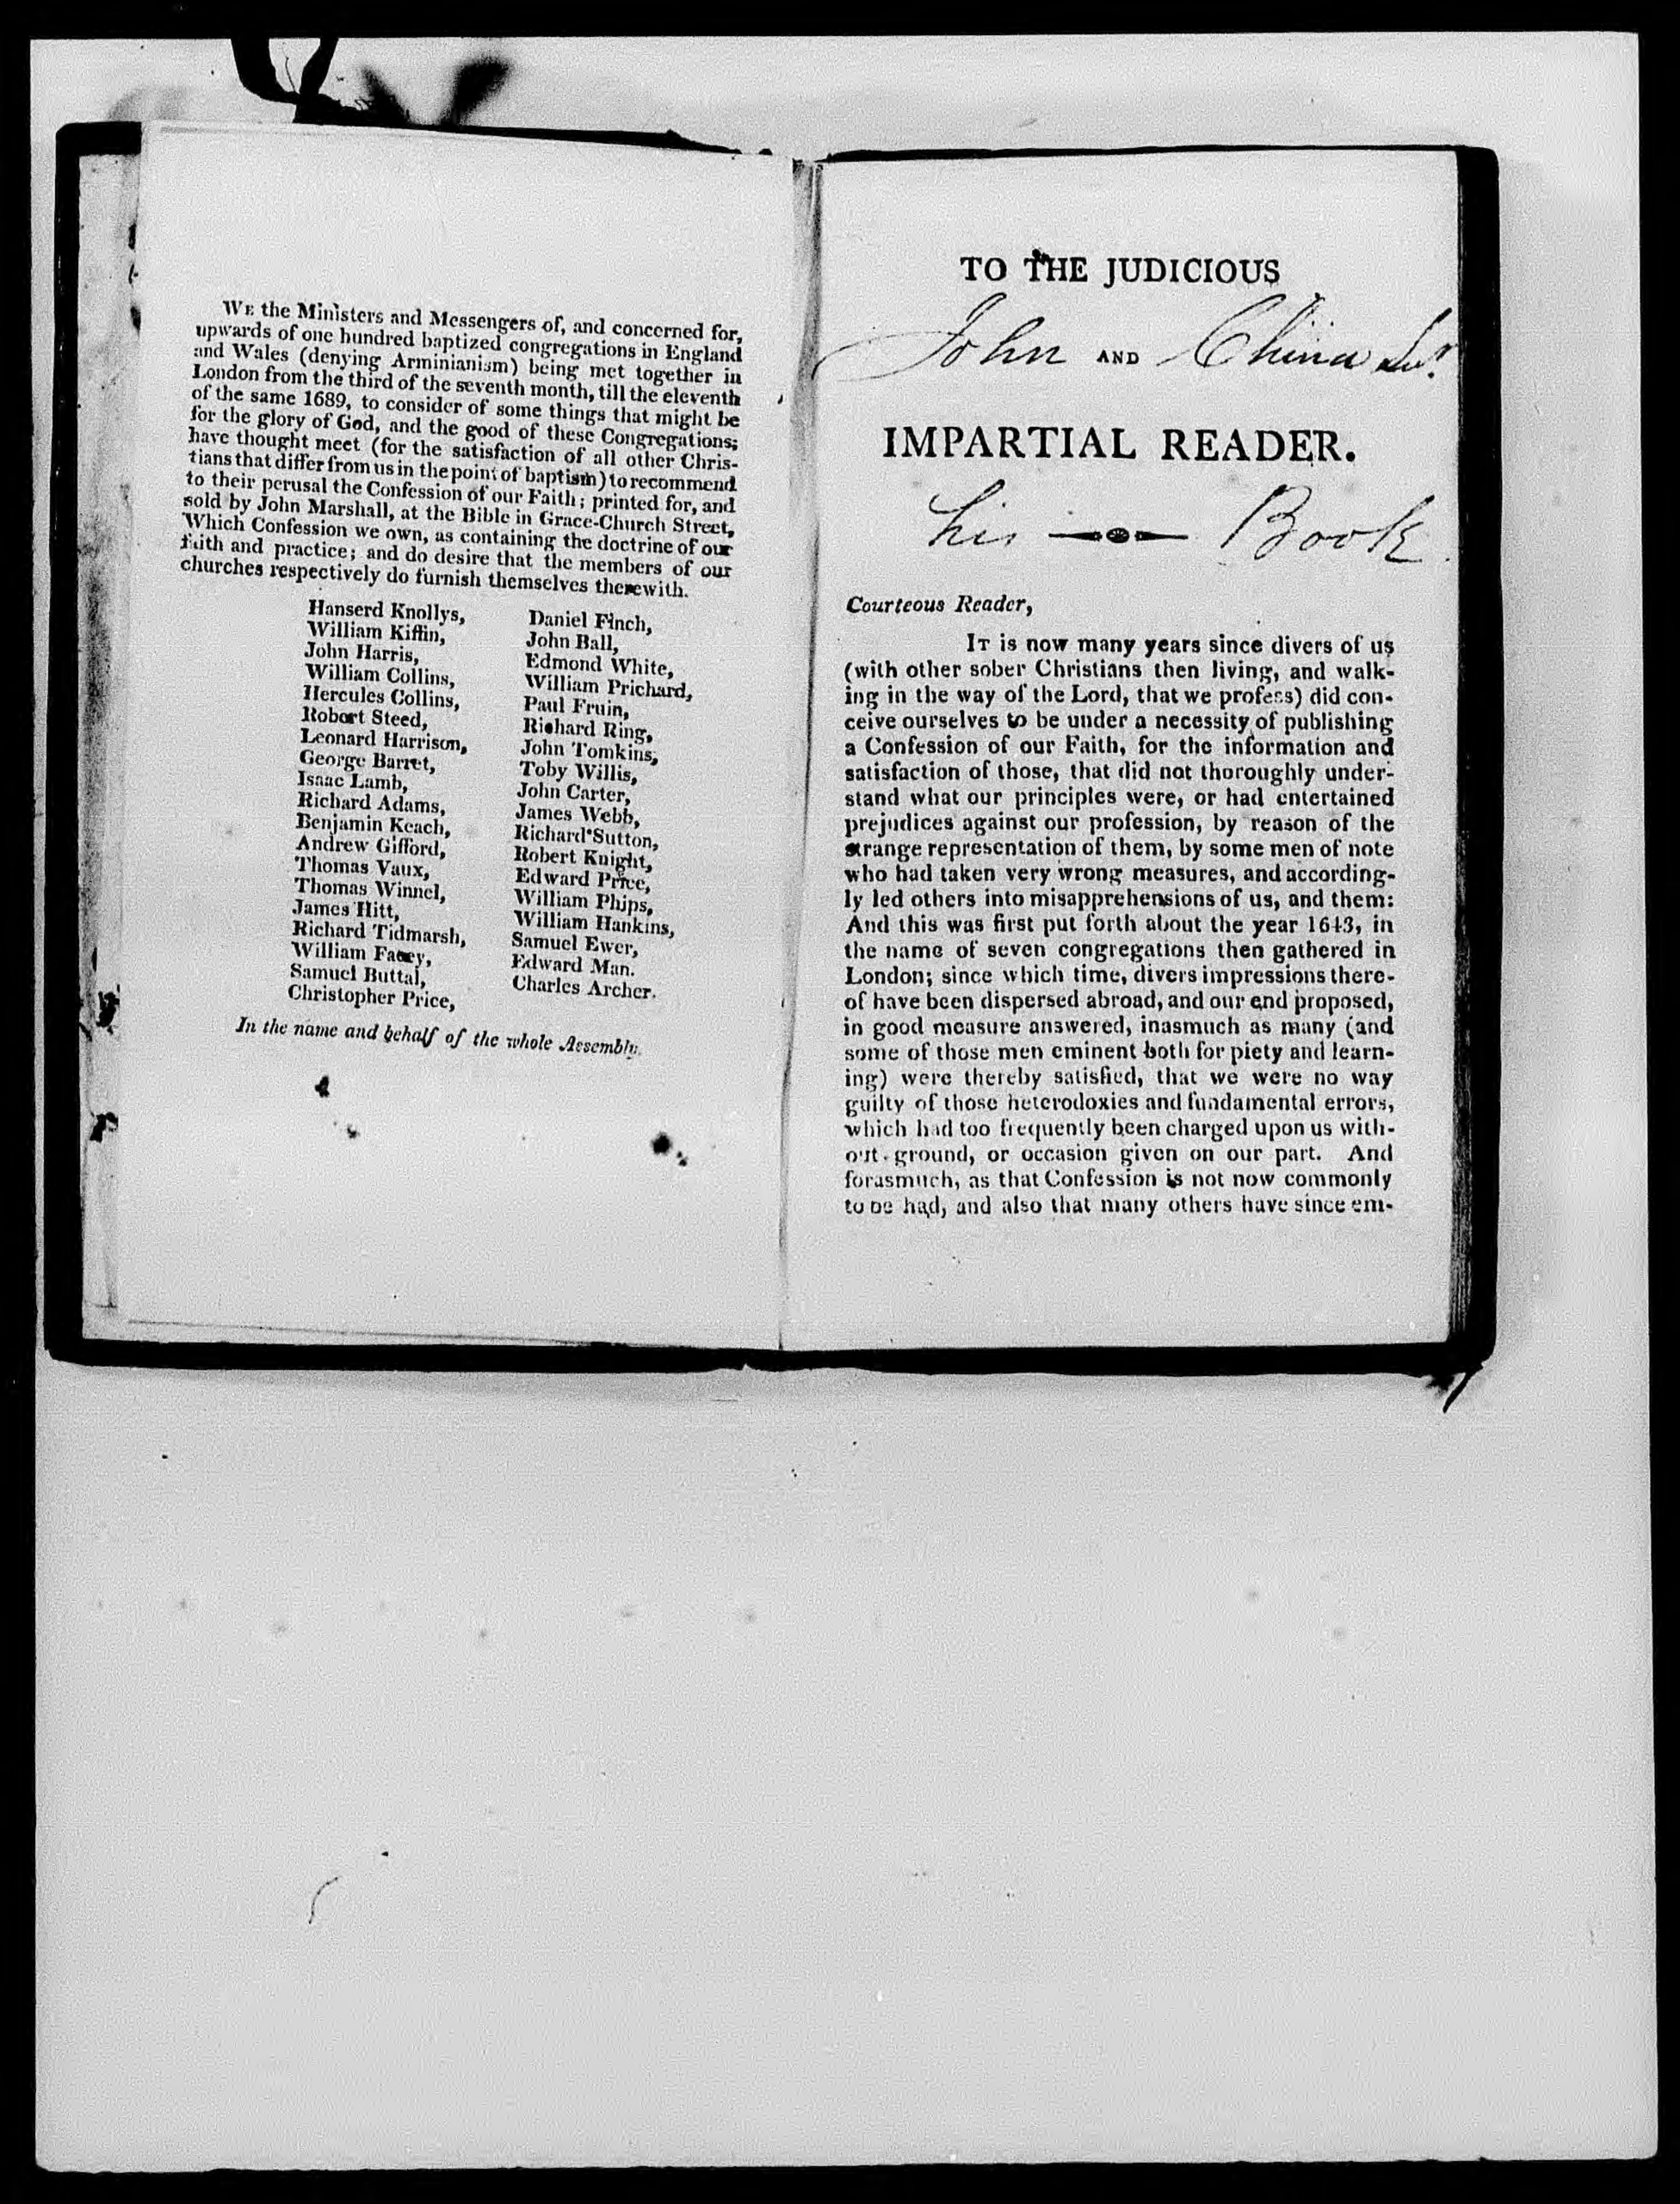We the Ministers and Messengers of, and concerned for
upwards of one hundred baptized congregations in England
and Wales (denying Arminianism) being met together in
London from the third of the seventh month, till the eleventh
of the same 1639, to consider of some things that might be
for the glory of God, and the good of these Congregations
have thought meet (for the satisfaction of all other Christians
that differ from us in the point of baptism to recommend
to their perusal the Confession of our faith; printed for, and
sold by John Marshall, at the Bible in Grace Church Street,
Which Confession we own, as containing the doctrine of our
faith and practice, and do desire that the members of our
Churches respectively do furnish themselves therewith
Hanserd Knollys,  Daniel Finch,
William Kiffin,         John Ball,
John Harris,            Edmond White,
William Collins,      William Prichard,
Hercules Collins,   Paul Fruin,
 Robert Steed,        Richard Ring,
Leonard Harrison,  John Tomkins,
George Barret,         Toby Willis
Isaac Lamb,               John Carter,
Richard Adams,         James Webb,
Benjamin Keach,      Richard Sutton,
Andrew Gifford,         Robert Knight,
Thomas Vaux,            Edward Price,
Thomas Winnel,         William Phips,
James Hitt,                    William Hankins,
Richard Tidmarsh,       Samuel Ewer,
William Facey,                Edward Man.
Samuel Buttal,               Charles Archer.
Christopher Price,

In the name and behalf of the whole Assembly.


TO THE JUDICIOUS
John AND China Sus.
IMPARTIAL READER.
his --------- Book
Courteous Reader,
IT is now many years since divers of us
(with other sober Christians then living, and walking
in the way of the Lord, that we profess) did conceive
ourselves to be under a necessity of publishing
a Confession of our faith, for the information and
satisfaction of those that did not thoroughly understand
what our principles were, or had entertained
prejudices against our profession, by reason of the
strange representation of them, by some men of note
who had taken very wrong measures, and according
ly led others into misapprehensions of us, and them:
And this was first put forth about the year 1643, in
the name of seven congregations then gathered in
London; since which time, divers impressions thereof
have been dispersed abroad, and our and proposed,
in good measure answered, inasmuch as many (and
some of those men eminent both for piety and learning)
were thereby satisfied, that we were no way
guilty of those heterodoxies and fundamental errors,
which had too frequently been charged upon us without
ground, or occasion given on our part. And
forasmuch, as that Confession is not now commonly
to be had, and also that many others have since em-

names: Thomas Vaux, John Ball, William Hankins, Charles Archer, Benjamin Keach, Paul Fruin, Thomas Winnel, George Berret, Andrew Gifford, Richard Tidmarsh, James Webb, John Marshall, Daniel Finch, Samuel Ewer, Richard Sutton, William Collins, Richard Adams, Isaac Lamb, Leonard Harrison, Samuel Buttal, John Tomkins, William Prichard, Toby Willis, William Kiffin, Edward Man, Edmond White, Richard Ring, Robert Steed, James Hitt, Hercules Collins, William Phips, Hanserd Knollys, Robert Knight, John Carter, John Harris, Christopher Price, John China, William Fancy, Edward Price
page: 13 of 98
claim: widow's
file: W. 8398, William Broadway, S.C.